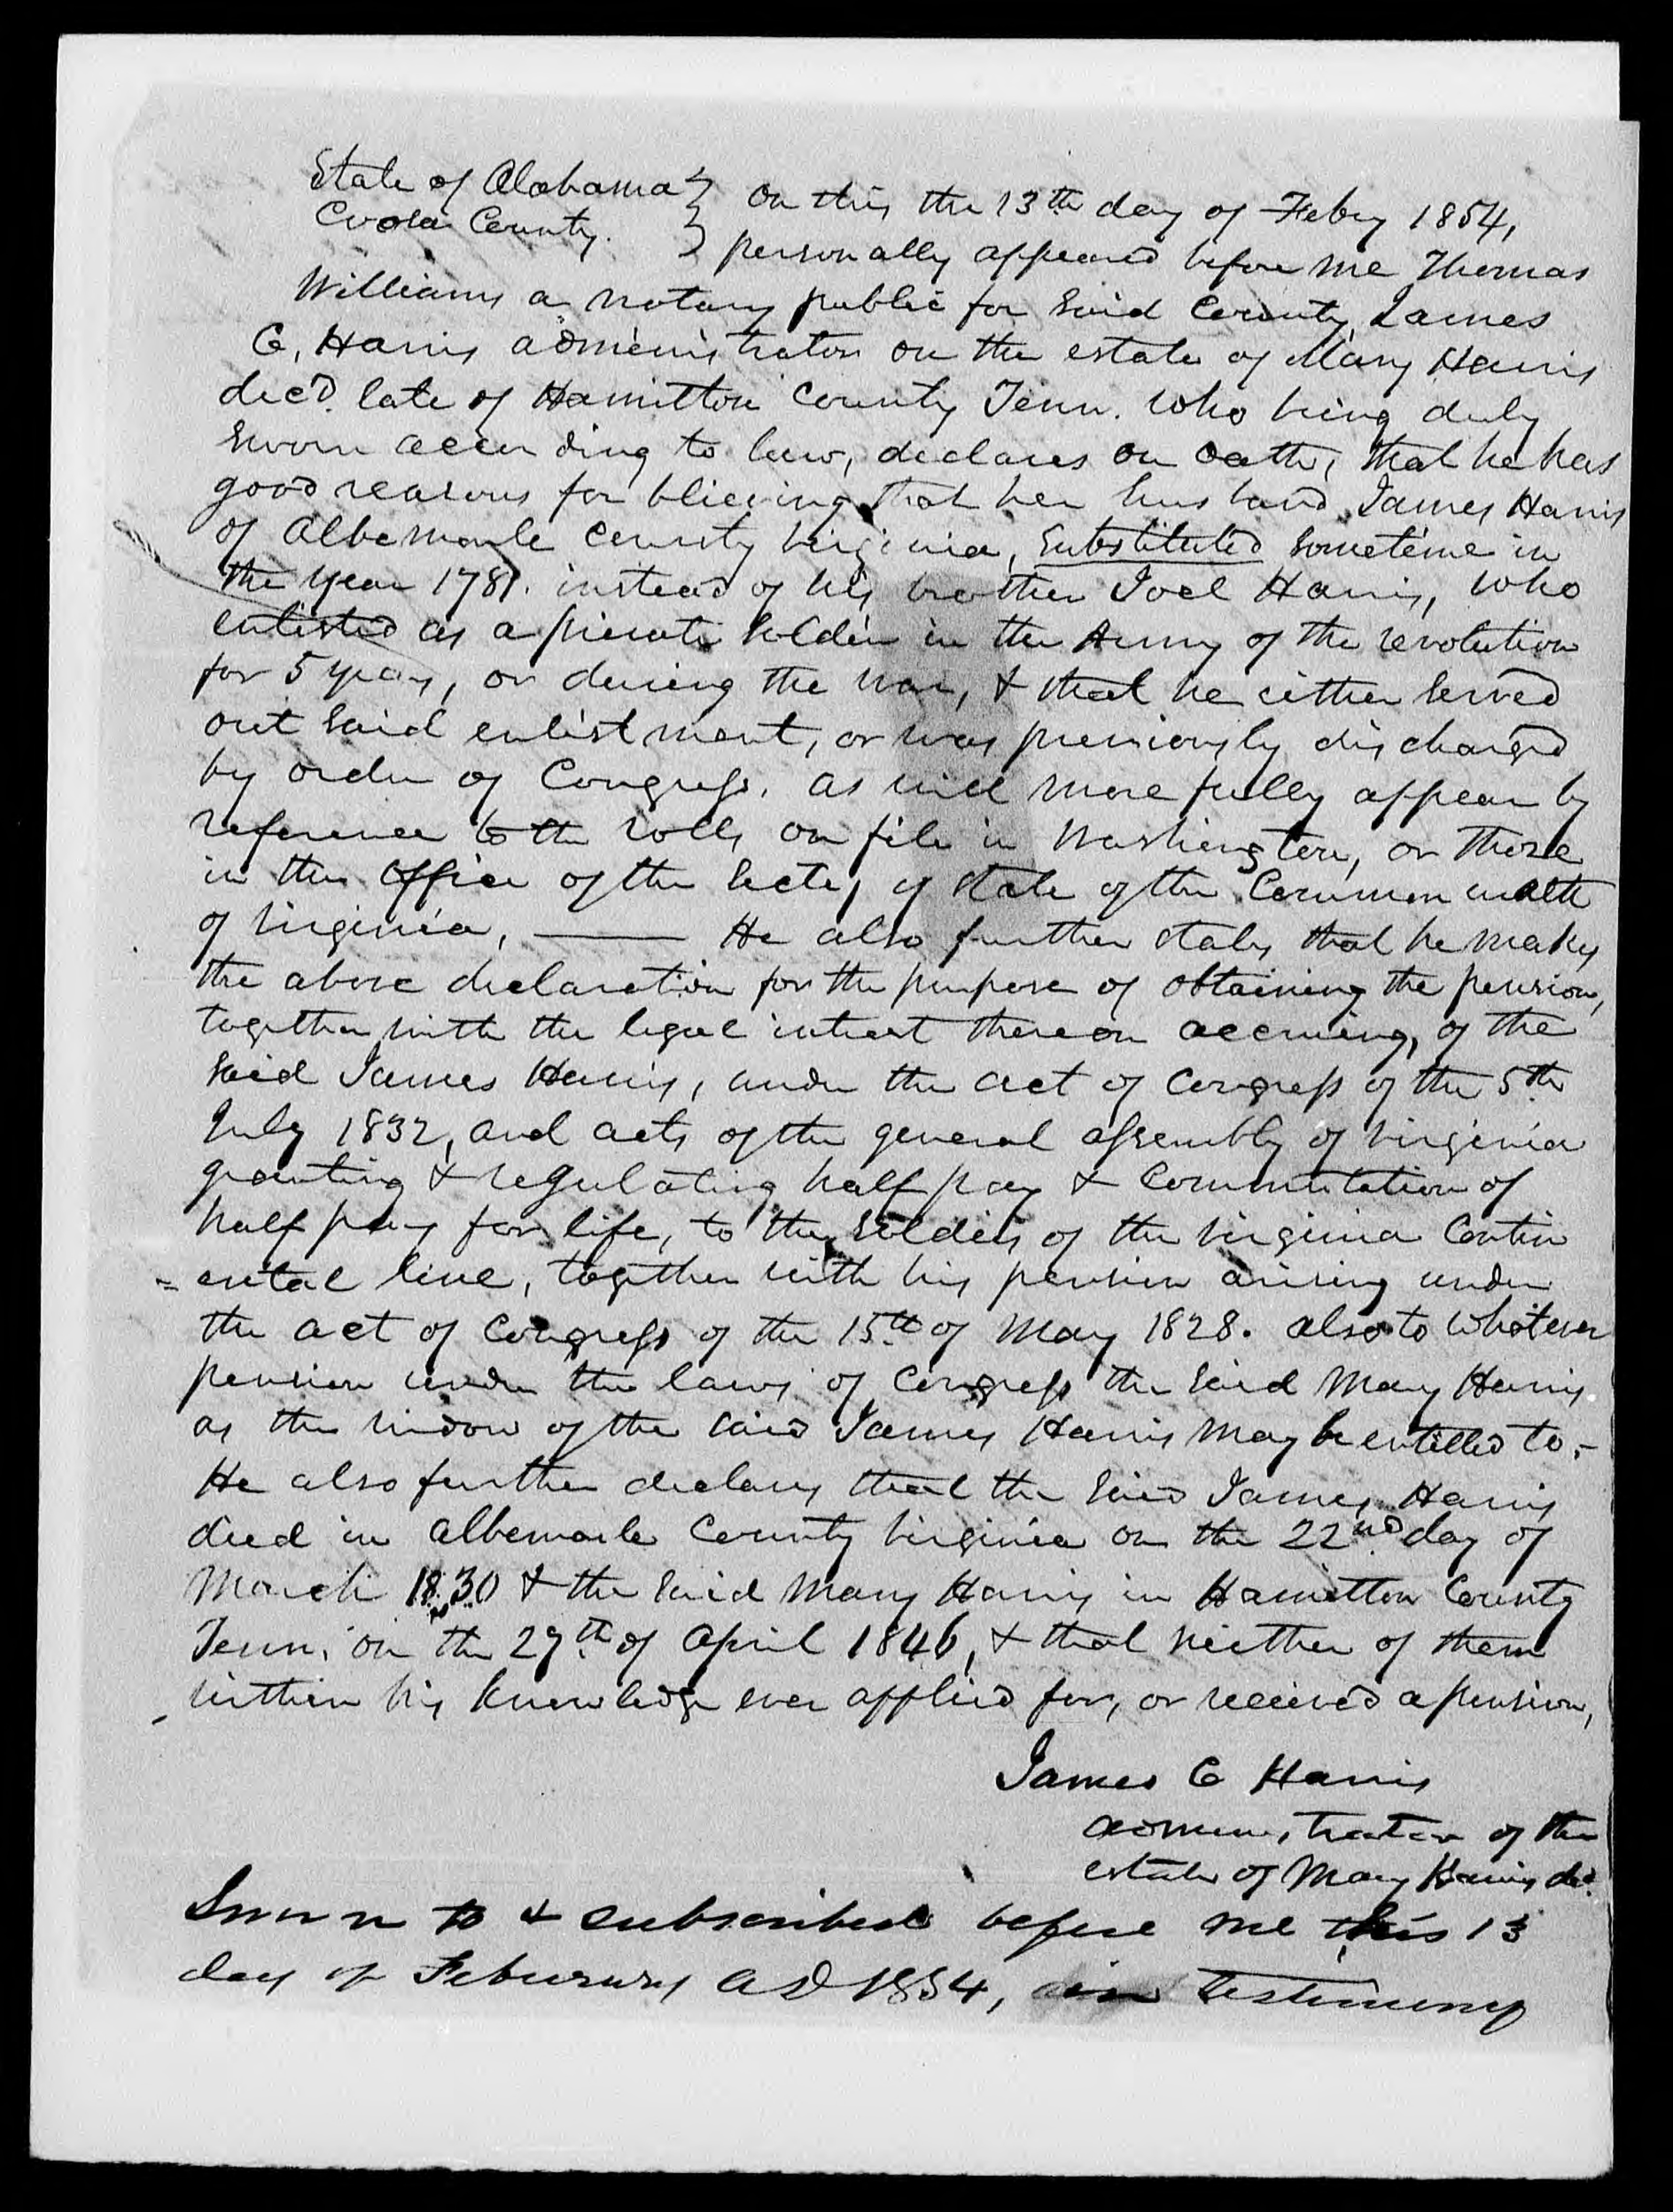State of Alabama}
Coosa County}
On this the 13th day of Febry 1854, personally appeared before me Thomas Williams a notary public for said county, James c. Harris, administrator on the estate of Mary Harris decd. late of Hamilton County Tenn. who being duly sworn according to las, declares on oath, that he has good reasons for blieving [sic] that her husband James Harris of Albemarle County Virginia, substituted sometime in the year 1781, instead of his brother Joel Harris, who enlisted as a private soldier in the Army of the revolution for 5 years, or during the war, & that he either served out said enlistment, or was previously discharged by order of Congress, as will more fully appear by reference to the rolls on file in Washington, on those in the office of the Secty of State of the Commonwealth of Virginia,---He also further stated that he makes the above declaration for the purpose of obtaining the pension together with the legal interest thereon according, of the said James Harris, and the act of Congress of the 5th July 1832, and acts of the general assembly of Virginia granting & regulating half pay & commutation of half pay for life, to the soldiers of the Virginia Continental line, together with his pension arising under the act of Congress of the 15th of May 1828, Also to whatever pension under the laws of Congress the said Mary Harris, as the widow of the said James Harris may be entitled to. He also further declares that the said James Harris died in Albemarle County Virginia on the 22nd day of March 1830 & the said Mary Harris in Hamilton County Tenn., on the 27th of April 1846, & that neither of them within his knowledge ever applied for, or received a pension,
James C. Harris
administrator of the estate of Mary Harris decd
Sworn to & subscribed before me this 1st day of Feburary [sic] ad 1854. testimony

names: Mary Harris, James C Harris, James Harris, James Harris, Joel Harris, Mary Harris, Thomas Williams, James Harris, Mary Harris, James C Harris, Mary Harris, James Harris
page: 8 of 160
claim: rejected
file: R. 4666, James Harris, Va.